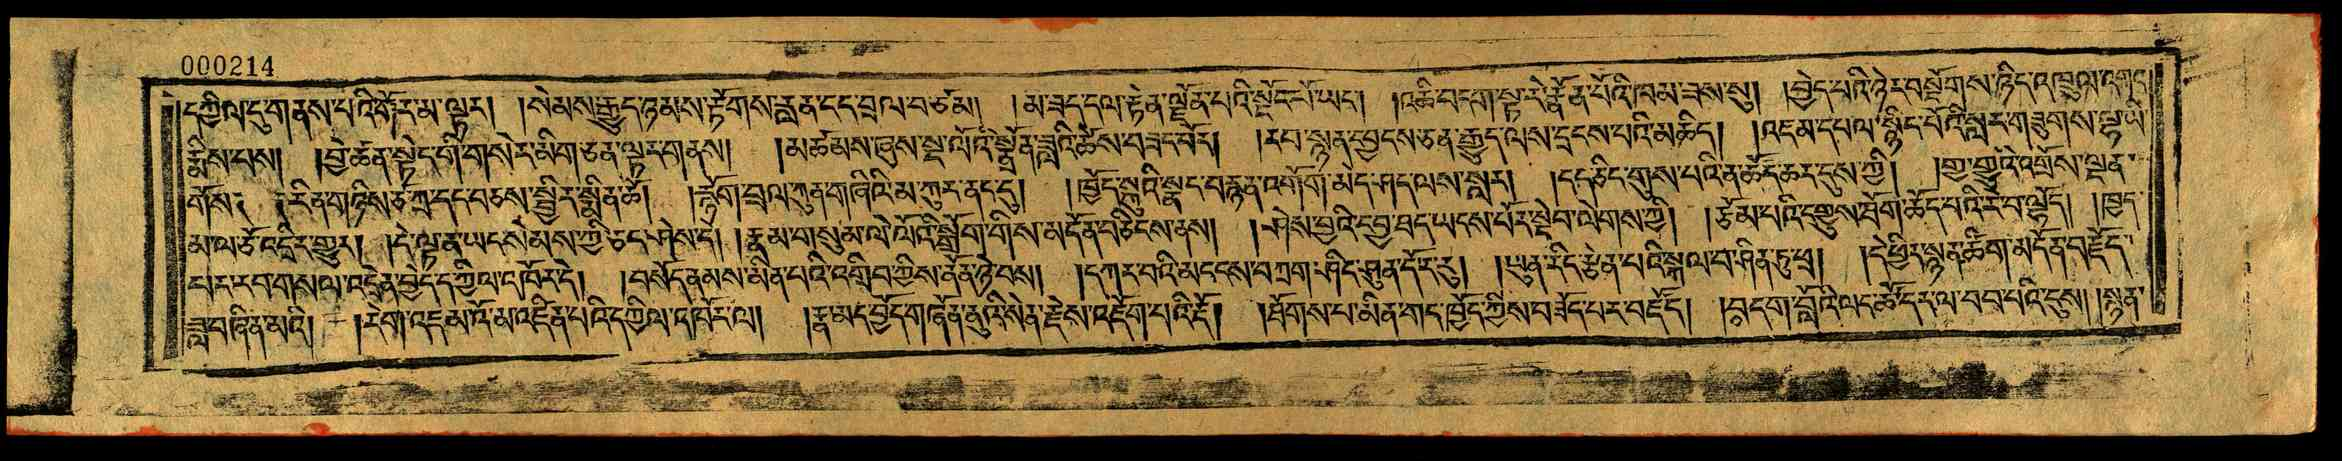དཀྱིལ་དུ་གནས་པའི་གོར་མ་ལྟར། །སེམས་རྒྱུད་ཉམས་རྟོགས་རླན་དང་བྲལ་བ་ཙམ། །མ་ཟིང་དལ་རྟེན་ལྗོན་པའི་སྡོང་པོ་ཡང་། །འཆི་བདག་སྟ་རེ་རྣོན་པོའི་ཁམ་ཟས་སུ། །བྱེད་པའི་ཉེར་བསྔོགས་ཉིང་འཁྲུལ་འགྲང་
རྨིས་པས། །བྱེ་ཚན་སྟེང་གི་གསེར་མིག་ཅན་ལྟར་གནས། །མཚམས་ཞུས་སྔ་ལོའི་སྣོན་ཟླའི་ཚེས་བཟང་པོར། །རབ་སྙན་དབྱངས་ཅན་རྒྱུད་ལས་དྲངས་པའི་མཆིད། །འཇམ་དཔལ་སྙིང་པོའི་སླར་གཟུགས་ལྷ་ལ་
གོས༑ ༑རིན་གཉིས་ཙཀྲ་དང་བཅས་སྤྱིར་སྨིན་ཚེ། །རྙོག་བྲལ་ཀུན་གཞིའི་མ་ཀུ་ར་ནང་དུ། །ཁྱོད་སྐུའི་སྣང་བརྙན་འགོག་མེད་ཤར་ལས་སླར། །དད་ཅིང་གུས་པའི་ན་ཚོང་ཆར་དུས་ཀྱི། །གྱ་གྱུའི་འགྲོས་ལྡན་
མ་ལ་ཅོ་འདིར་གྱུར། །དེ་ལྟ་མ་ཡང་སེམས་ཀྱི་ཅང་ཤེས་དེ། །རྣམ་གསུམ་ལེ་ལོའི་སྒྲོག་གིས་མངོན་བཅིངས་ནས། །ཤེས་བྱའི་དབྱེ་ཐང་ཡངས་པོར་སྡེབ་ལེགས་ཀྱི། །རྩོམ་པའི་དཀྱུས་ཐོག་ཆོད་པའི་རེ་བ་ལྷོད། །ཁྱད་
པར་རབ་གསལ་འདྲེན་བྱེད་དཀྱིལ་འཁོར་དེ། །བསོད་ནམས་མིན་པའི་འགྲིབ་ཀྱིས་ནོན་ཉེ་བས། །དཀར་བའི་མདངས་བཀྲག་ཤིང་ཤུན་དོ་ར་རུ། །ཡུན་རིང་རྩེན་པའི་སྐལ་བ་ཤིན་ཏུ་ཕྲ། །དེ་ཕྱིར་སྙན་ཚིག་མངོན་བརྗོད་
ཟླ་བཞིན་མའི། །རེག་འཇམ་འོ་མ་འཛིན་པའི་དཀྱིལ་འཁོར་ལ། །རྣམ་དཔྱོད་གཞོན་ནུའི་སེན་རྗེས་འཇོག་པའི་རྡོ། །ཐོགས་པ་མིན་གང་ཁྱོད་ཀྱིས་བཟོད་པར་བརྗོད། །བདག་བློའི་ལང་ཚོ་དར་ལ་བབ་པའི་དུས། །སྙན་